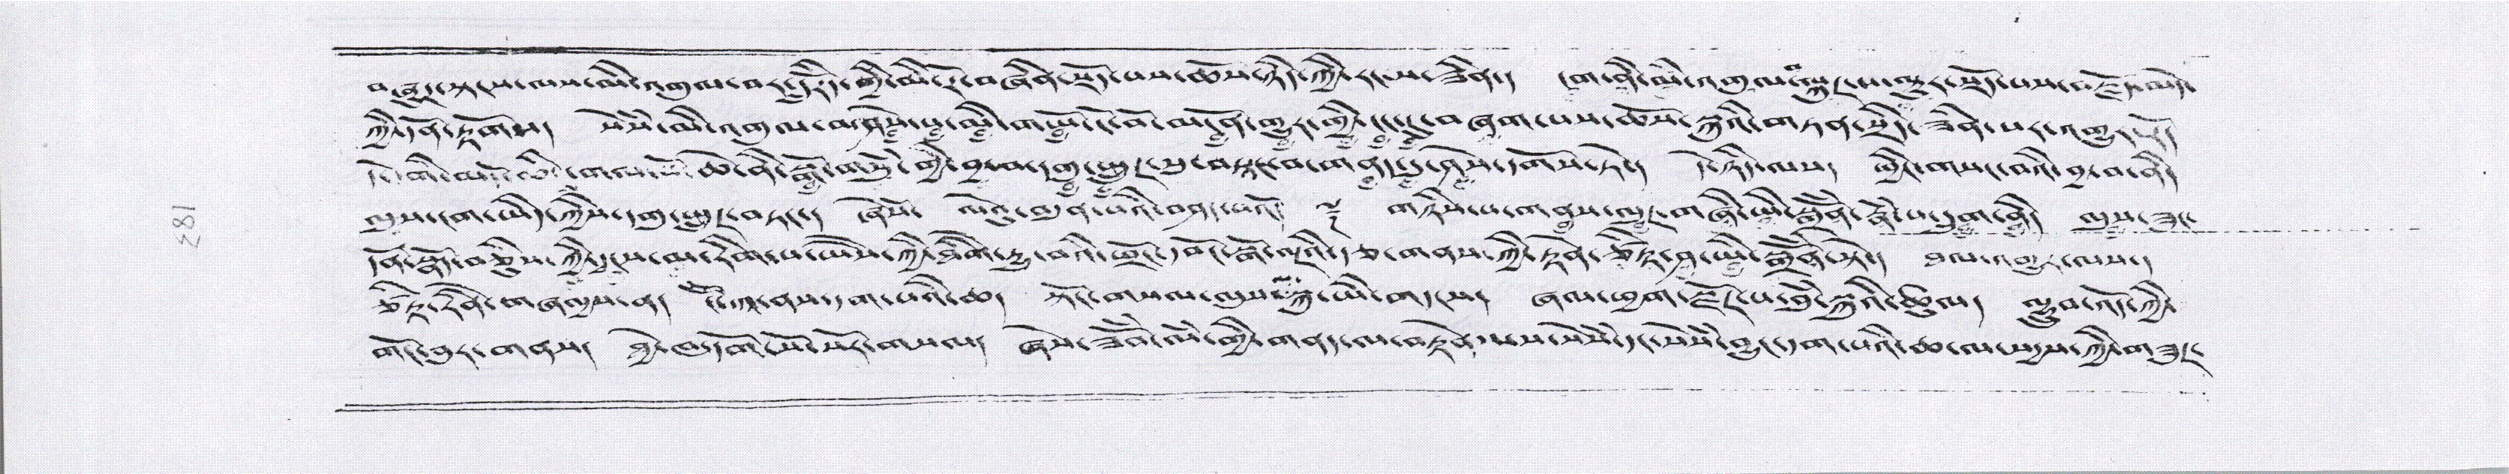བཞུགས་སྟངས་ལས་མི་འགུལ་བར་དུར་ཁྲོད་ཀྱི་མི་རོ་བཞིན་སྡོད་པས་ཆོས་ཉིད་ཀྱི་རང་ས་ཟིན། ངག་ནི་མི་འགུལ་བ་ལྐུགས་པ་ལྟ་བུར་སྡོད་པས་བརྗོད་མེད་
ཀྱི་དོན་རྟོགས། སེམས་མི་འགུལ་བ་ཤེས་པ་མི་གཡོ་ངོ་བོ་མངོན་གྱུར་གྱི་ངང་དུ་བཞག་པས་ཆོས་སྐུའི་གཏན་སྲིད་ཟིན་པར་འགྱུར་རོ། 
དེ་དག་གི་མདོ་ཆིང་གལ་པོ་ཆེ་ནི་སྒོ་གསུམ་གྱི་བྱ་བ་དགུ་ཕྲུགས་སུ་བཏང་བ་གནད་དུ་ཤེས་དགོས་ཏེ། དེ་ཉིད་ལས། ཕྱི་ནང་གསང་བའི་བྱ་བ་ནི། 
ལུས་ངག་ཡིད་ཀྱིས་དགུ་སྤྲུགས་བཏང་། ཞེས་སོ། ལེའུ་བདུན་པའི་བཤད་པའོ། །༧ གཉིས་པ་གནས་ལུགས་གཞི་ཡི་སྒྲོན་མ་རྣམ་དྲུག་ནི། ལུས་ཟུང་
དོན་སྣོད་བཅུ་གཉིས་ཀྱི་དང་མ་རིག་པ་ཡེ་ཤེས་ཀྱི་ཐིག་ལེ་རྒྱུ་བའི་ཕོ་བྲང་དབང་པོ་སྒོ་ལྔའི་རྩ་གནས་ཀྱི་རྟེན་ཙིརྟ་ཤ་ཡི་སྒྲོན་མ་སྟེ། ཐལ་འགྱུར་ལས། 
ཙིརྟ་རིན་ཆེན་གཞལ་ཡས་ན། ངོ་བོ་ཀ་ནས་དག་པའི་ཆ། སྟོང་གསལ་ལུས་ལ་སྐུ་ཡི་གདངས། ཞལ་ཕྱག་རྫོགས་པ་བུམ་སྐུའི་ཚུལ། ལྷུན་གྲུབ་འོད་ཀྱི་
གོང་བུར་གནས། ཐུགས་རྗེ་ཁ་དོག་སོ་སོར་གསལ། ཞེས་ཟབ་མོ་ལམ་གྱི་གནད་ལ་བརྟེན་པས་སེམས་དང་སེམས་བྱུང་དག་པའི་ཆ་ལ་སངས་རྒྱས་ཀྱི་གཟུགས་